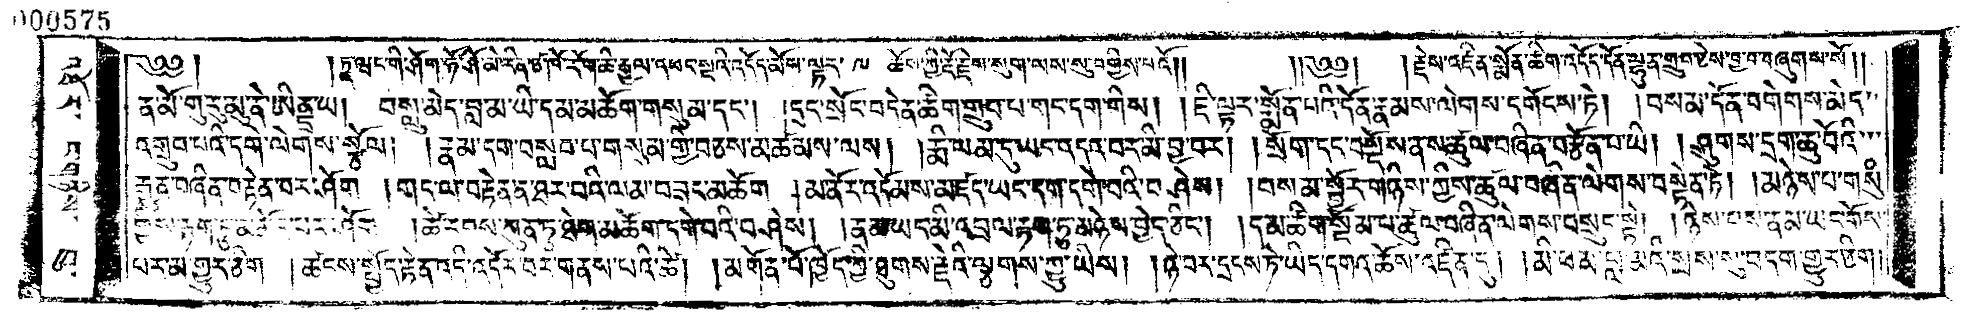༄༅། །ཏཱ་ཝང་གི་ཤོག་ཏོ་ཤོ་མེ་རིན་ཙ་ཁོ་རོག་ཆི་རྒྱལ་འཕང་སྔའི་འདོད་མོས་ལྟར་༧་ཆོས་ཀྱི་རྡོ་རྗེས་ལུག་ལས་སུ་བགྱིས་པའོ།། །། ༄༅། །རྗེས་འཛིན་སྨོན་ཚིག་འདོད་དོན་ལྷུན་གྲུབ་ཅེས་བྱ་བ་བཞུགས་སོ། །
ན་མོ་གུ་རུ་མུ་ནེ་ཨིནྡྲ་ཡ། བསླུ་མེད་བླ་མ་ཡི་དམ་མཆོག་གསུམ་དང་། །དྲང་སྲོང་བདེན་ཚིག་གྲུབ་པ་གང་དག་གིས། །ཇི་ལྟར་སྨོན་པའི་དོན་རྣམས་ལེགས་དགོངས་ཏེ། །བསམ་དོན་བགེགས་མེད་
འགྲུབ་པའི་དགེ་ལེགས་སྩོལ། །རྣམ་དག་བསླབ་པ་གསུམ་གྱི་བཅས་མཚམས་ལས། །རྨི་ལམ་དུ་ཡང་འདའ་བར་མི་བྱ་བར། །སྲོག་དང་བསྡོས་ནས་ཚུལ་བཞིན་བརྩོན་པ་ཡི། །ཤུགས་དྲག་ཆུ་བོའི་
རྒྱུན་བཞིན་བརྟེན་པར་ཤོག །གང་ལ་བརྟེན་ན་ཐར་བའི་ལམ་བཟང་མཆོག །མ་ནོར་འདོམས་མཛད་ཡང་དག་དགེ་བའི་བཤེས། །བསམ་སྦྱོར་གཉིས་ཀྱིས་ཚུལ་བཞིན་ལེགས་བསྟེན་ཏེ། །མཉེས་པ་གསུམ་
གྱིས་རྟག་ཏུ་མཆོད་པར་ཤོག །ཚེ་རབས་ཀུན་ཏུ་ཐེག་མཆོག་དགེ་བའི་བཤེས། །ནམ་ཡང་མི་འབྲལ་རྟག་ཏུ་མཉེས་བྱེད་ཅིང་། །དམ་ཚིག་སྡོམ་པ་ཚུལ་བཞིན་ལེགས་བསྲུང་སྟེ། །ཉེས་བས་ནམ་ཡང་གོས་
པར་མ་གྱུར་ཅིག །ཚངས་སྤྱོད་རྟེན་འདི་འདོར་བར་གནས་པའི་ཚེ། །མགོན་པོ་ཁྱོད་ཀྱི་ཐུགས་རྗེའི་ལྕགས་ཀྱུ་ཡིས། །ཉེ་བར་དྲངས་ཏེ་ཡིད་དགའ་ཆོས་འཛིན་དུ། །མི་ཕམ་བླ་མའི་སྲས་སུ་བདག་གྱུར་ཅིག །